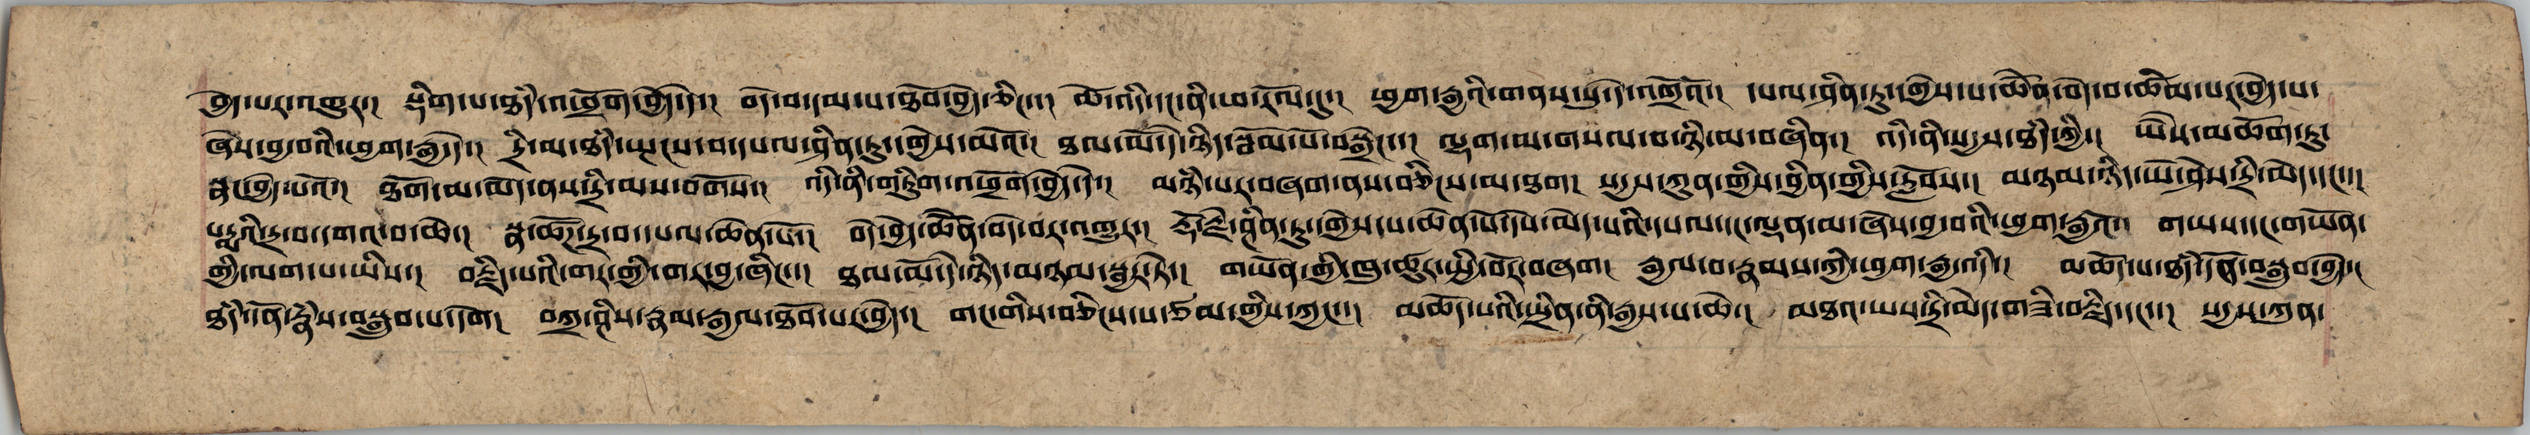བྱེད་པར་འགྱུར་། སྡིག་པ་ཐཾད་འཕྲོག་བྱེད་དེ་། བདེ་བ་དམ་པ་ཐོབ་བྱེད་ཅིང་་། ཚེ་འདི་དང་ནི་ཕ་རོལ་དུ་། ཕྱག་རྒྱའི་གནས་སུ་དེ་འགྲོའོ་། དཔལ་ཤིན་ཏུ་དགྱེས་པ་ཆེནོ་བདེ་བ་ཚིམ་པར་བྱེད་པ་
ཞེས་བྱ་བའི་ཕྱག་རྒྱ་དེ་། དྲི་མ་ཐཾད་སྤངས་བ་དཔལ་ཤིན་ཏུ་དགྱེས་མའོ་། ཐལ་མོ་དེ་ཉིད་སྦོམ་པོ་བསྒྲེང་་། ལྷག་མ་གསལ་བ་ཉི་མ་བཞིན་། འདི་ནི་སདྱས་ཐཾད་ཀྱི་། ཡཻས་མཆོག་ཏུ་
སྣང་བྱེད་པའོ་། ཐོག་མ་མེད་ནས་དྲི་མས་བགོས་། འདི་ནི་གཏིུག་འཕྲོག་བྱེད་དེ་། མཉཾ་པར་བཞག་ནས་བཅིངས་མ་ཐག། སདྱས་ཀུན་གྱིས་བྱིན་གྱིས་རློབས་། མཉམ་ཉིད་ཡེ་ཤེས་དྲི་མེད་དང་་།
པདྨའི་དྲ་བ་དགའ་བ་ཆེ་། སྣ་ཚོཌ་དྲ་བ་དཔལ་ཆེན་པོ་། བདེ་བྱེད་ཆེནོ་བདེ་བར་འགྱུར་། རྡོ་རྗེ་ཤིན་ཏུ་དགྱེས་པ་ཆེན་པོ་དཔེ་མེད་པའི་དཔལ་དང་ལྡན་མ་ཞེས་བྱ་བའི་ཕྱག་རྒྱའོ་། གཡས་དང་གཡོན་
གྱི་ལག་པ་ཡིས་། བརྗིད་པའི་གར་གྱི་གར་བྱ་ཞིང་་། ཐལ་མོ་དེ་ཉིད་མཉམ་སྦྱར་ཏེ་། གཡོན་གྱི་ཁུ་ཚུར་སྤྱི་བོར་བཞག། རྒྱལ་བ་རྣམས་ཀྱི་ཕྱག་རྒྱ་འདི་། མཆོད་པ་ཐཾད་དོན་བསྒྲུབ་བྱེད་།
ཐཾད་དོན་རྣཾས་བསྒྲུབ་པ་དགེ། བཀྲ་ཤིས་རྣམ་རྒྱལ་ཐོབ་པར་བྱེད་། གང་གིས་བཅིངས་པ་ཙམ་གྱིས་ཀྱང་་། མཆོད་པའི་སྤྲིན་ནི་རྒྱས་པ་ཆེ་། མཐའ་ཡས་དྲི་མེད་གཟི་བརྗིད་དང་་། སདྱས་ཀུན་